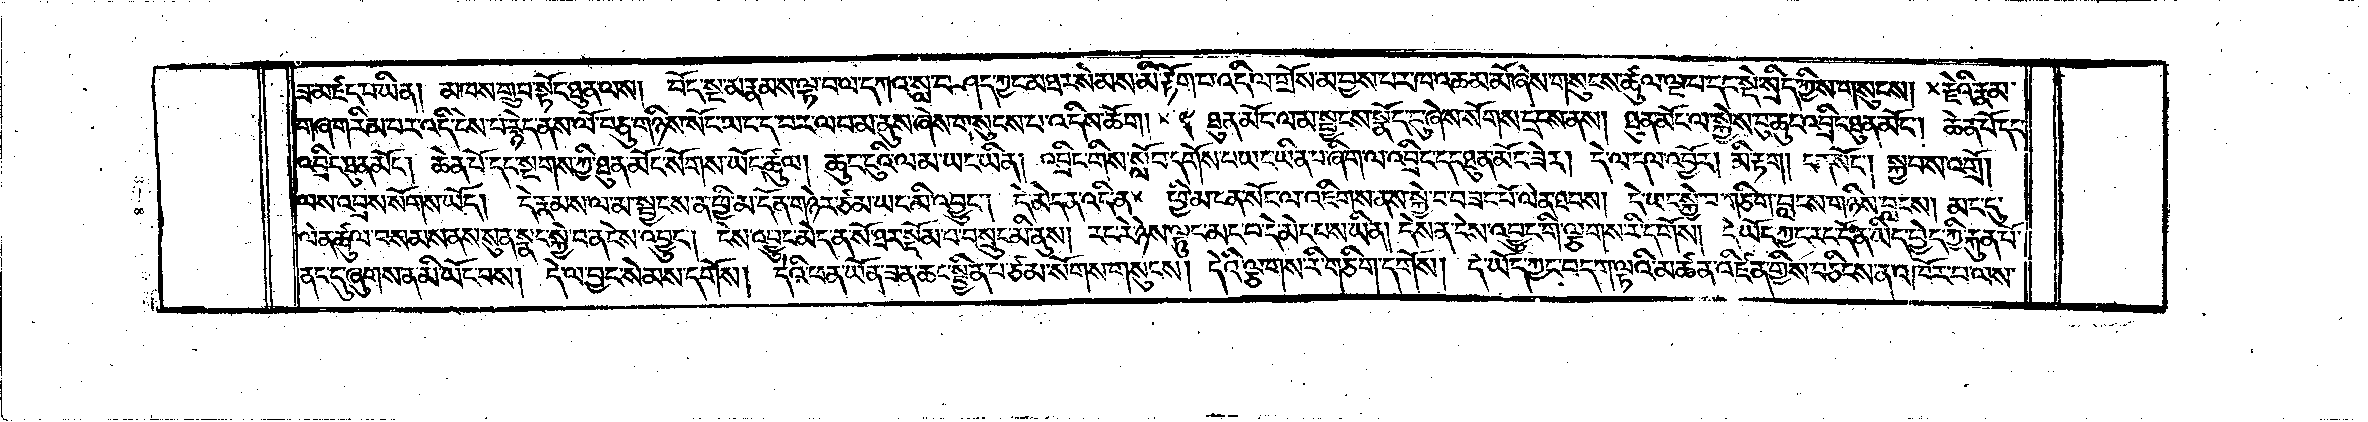ཟ་མཛད་པ་ཡིན། མཁས་གྲུབ་སྟོང་ཐུན་ལས། བོད་སྔ་མ་རྣམས་ལྟ་བ་ལ་དཀའ་སླ་བཤད་ཀྱང་མཐར་སེམས་མི་རྟོག་པ་འདི་ལ་གྲོས་མ་བྱས་པར་ཁ་འཆམ་མོ་ཞེས་གསུངས་ཚུལ་ལྔ་པ་དང་སྡེ་སྲིད་ཀྱིས་གསུངས། ྾་རྗེའི་རྣམ་
གཞག་རིམ་པར་འདི་ངེས་པ་རྙེད་ནས་ལོ་བཅུ་གཉིས་སོང་ཡང་ད་བར་ལབ་མ་ནུས་ཞེས་གསུངས་པ་འདིས་ཆོག། ྾་༈ ཐུན་མོང་ལམ་སྦྱངས་སྣོད་དུ་ཞེས་སོགས་དྲངས་ནས། ཐུན་མོང་ལ་སྐྱེས་བུ་ཆུང་འབྲིང་ཐུན་མོང་། ཆེན་པོ་དང་
འབྲིང་ཐུན་མོང་། ཆེན་པོ་དང་སྔགས་ཀྱི་ཐུན་མོང་སོགས་ཡོད་ཚུལ། ཆུང་ངུའི་ལ་མ་ཡང་ཡིན། འབྲིང་གིས་སློབ་དགོས་པ་ཡང་ཡིན་པ་ཞིག་ལ་འབྲིང་དང་ཐུན་མོང་ཟེར། དེ་ལ་དལ་འབྱོར། མི་རྟག། ངན་སོང་། སྐྱབས་འགྲོ།
ལས་འབྲས་སོགས་ཡོད། དེ་རྣམས་ལ་མ་སྦྱངས་ན་ཕྱི་མ་དོན་གཉེར་ཙམ་ཡང་མི་འབྱུང་། དེ་མེད་ན་འདི་ན྾་ཕྱི་མ་ངན་སོང་ལ་འཇིགས་ནས་སྐྱེ་བ་བཟང་པོ་ལེན་ཐབས། དེ་ཡང་སྐྱེ་བ་གཅིག་བླངས་གཉིས་བླངས། མང་དུ་
ལེན་ཚུལ་བསམས་ནས་སུན་སྣང་སྐྱེ་བ་ན་ངེས་འབྱུང་། ངེས་འབྱུང་མེད་ན་སོ་ཐར་སྡོམ་པ་བསྲུང་མི་ནུས། རང་རེ་ཉེས་ལྟུང་མང་བ་དེ་མེད་པས་ཡིན། དེས་ན་ངེས་འབྱུང་གི་ལྕགས་རི་དགོས། དེ་ཡོད་ཀྱང་རང་དོན་ཡིད་བྱེད་ཀྱི་རྐུན་པོ་
ནང་དུ་ཞུགས་ན་མི་ཡོང་བས། དེ་ལ་བྱང་སེམས་དགོས། དེའི་ཕན་ཡོན་ཟན་ཆང་སྦྱིན་པ་ཙམ་སོགས་གསུངས། དེའི་ལྕགས་རི་གཅིག་དགོས། དེ་ཡོད་ཀྱང་བདག་ལྟའི་མཚན་འཛིན་གྱིས་བཅིངས་ན་འཁོར་བ་ལས་